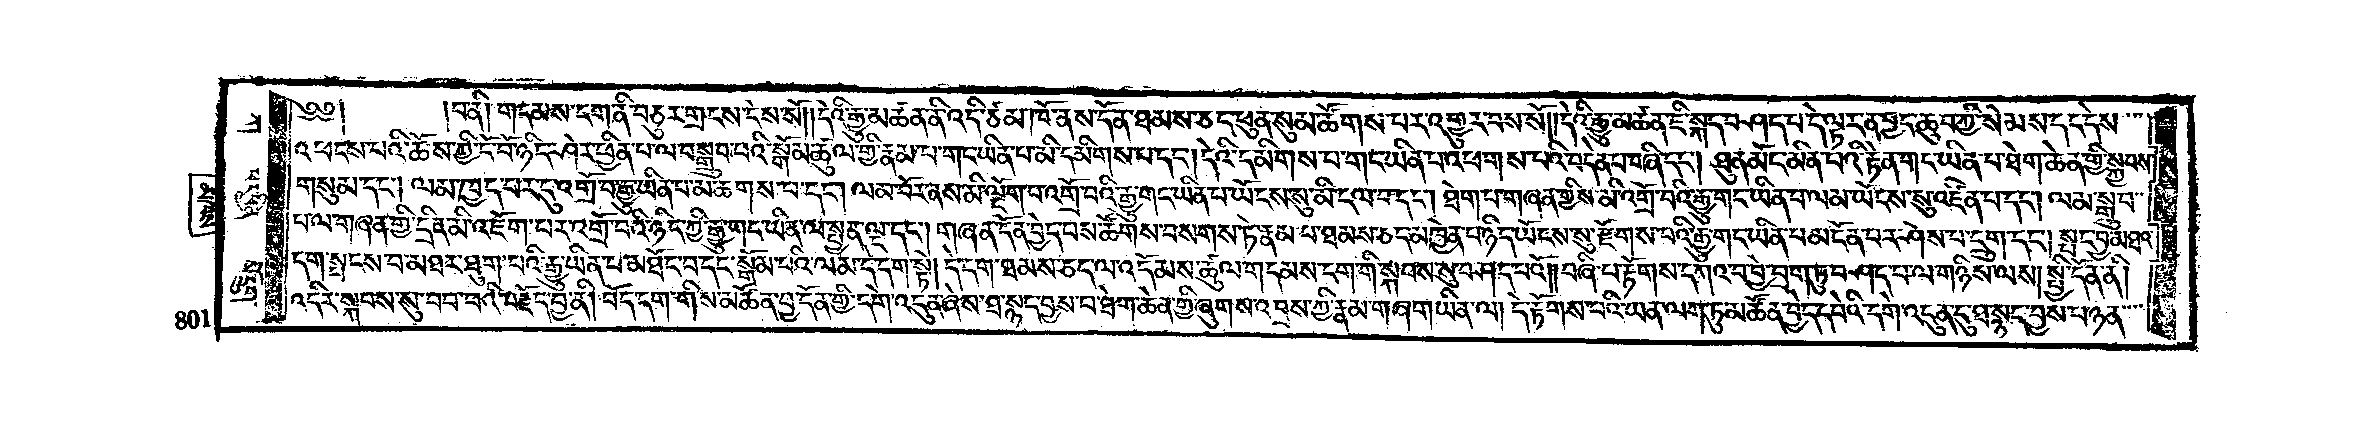༄༅། །པ་ནི། གདམས་ངག་ནི་བཅུར་གྲངས་ངེས་སོ། །དེའི་རྒྱུ་མཚན་ནི་འདི་ཙམ་ཁོ་ནས་དོན་ཐམས་ཅད་ཕུན་སུམ་ཚོགས་པར་འགྱུར་བས་སོ། །དེའི་རྒྱུ་མཚན་ཇི་སྐད་བཤད་པ་དེ་ལྟར་ན་བྱང་ཆུབ་ཀྱི་སེམས་དང་དེས་
འཕངས་པའི་ཆོས་ཀྱི་ངོ་བོ་ཉིད་ཤེར་ཕྱིན་པ་ལ་བསྒྲུབ་པའི་སྒོམ་ཚུལ་གྱི་རྣམ་པ་གང་ཡིན་པ་མི་དམིགས་པ་དང་། དེའི་དམིགས་པ་གང་ཡིན་པ་འཕགས་པའི་བདེན་པ་བཞི་དང་། ཐུན་མོང་མིན་པའི་རྟེན་གང་ཡིན་པ་ཐེག་ཆེན་གྱི་སྐྱབས་
གསུམ་དང་། ལམ་ཁྱད་པར་དུ་འགྲོ་བ་རྒྱུ་ཡིན་པ་མ་ཆགས་པ་དང་། ལམ་བོར་ནས་མི་ལྡོག་པ་འགྲོ་བའི་རྒྱུ་གང་ཡིན་པ་ཡོངས་སུ་མི་ངལ་བ་དང་། ཐེག་པ་གཞན་གྱིས་མི་འགྲོ་བའི་རྒྱུ་གང་ཡིན་པ་ལམ་ཡོངས་སུ་འཛིན་པ་དང་། ལམ་སྒྲུབ་
པ་ལ་གཞན་གྱི་དྲིན་མི་འཇོག་པར་འགྲོ་བའི་ཉིད་ཀྱི་རྒྱུ་གང་ཡིན་ལ་སྤྱན་ལྔ་དང་། གཞན་དོན་བྱེད་པས་ཚོགས་བསགས་ཏེ་རྣམ་པ་ཐམས་ཅད་མཁྱེན་པ་ཉིད་ཡོངས་སུ་རྫོགས་པའི་རྒྱུ་གང་ཡིན་པ་མངོན་པར་ཤེས་པ་དྲུག་དང་། སྤང་བྱ་མཐའ་
དག་སྤངས་བ་མཐར་ཐུག་པའི་རྒྱུ་ཡིན་པ་མཐོང་བ་དང་སྒོམ་པའི་ལམ་དེ་དག་སྟེ། དེ་དག་ཐམས་ཅད་ལ་འདོམས་ཚུལ་གདམས་ངག་གི་སྐབས་སུ་བཤད་པའོ། །བཞི་པ་རྟོགས་དཀའ་བ་བྱེ་བྲག་ཏུ་བཤད་པ་ལ་གཉིས་ལས། སྤྱི་དོན་ནི།
འདིར་སྐབས་སུ་བབ་པའི་བརྗོད་བྱ་ནི། བོད་དག་གིས་མཚོན་བྱ་དོན་གྱི་དགེ་འདུན་ཞེས་ཐ་སྙད་བྱས་པ་ཐེག་ཆེན་གྱི་ཞུགས་འབྲས་ཀྱི་རྣམ་གཞག་ཡིན་ལ། དེ་རྟོགས་པའི་ཡན་ལག་ཏུ་མཚོན་བྱེད་དཔེའི་དགེ་འདུན་དུ་ཐ་སྙད་བྱས་པ་ཉན་